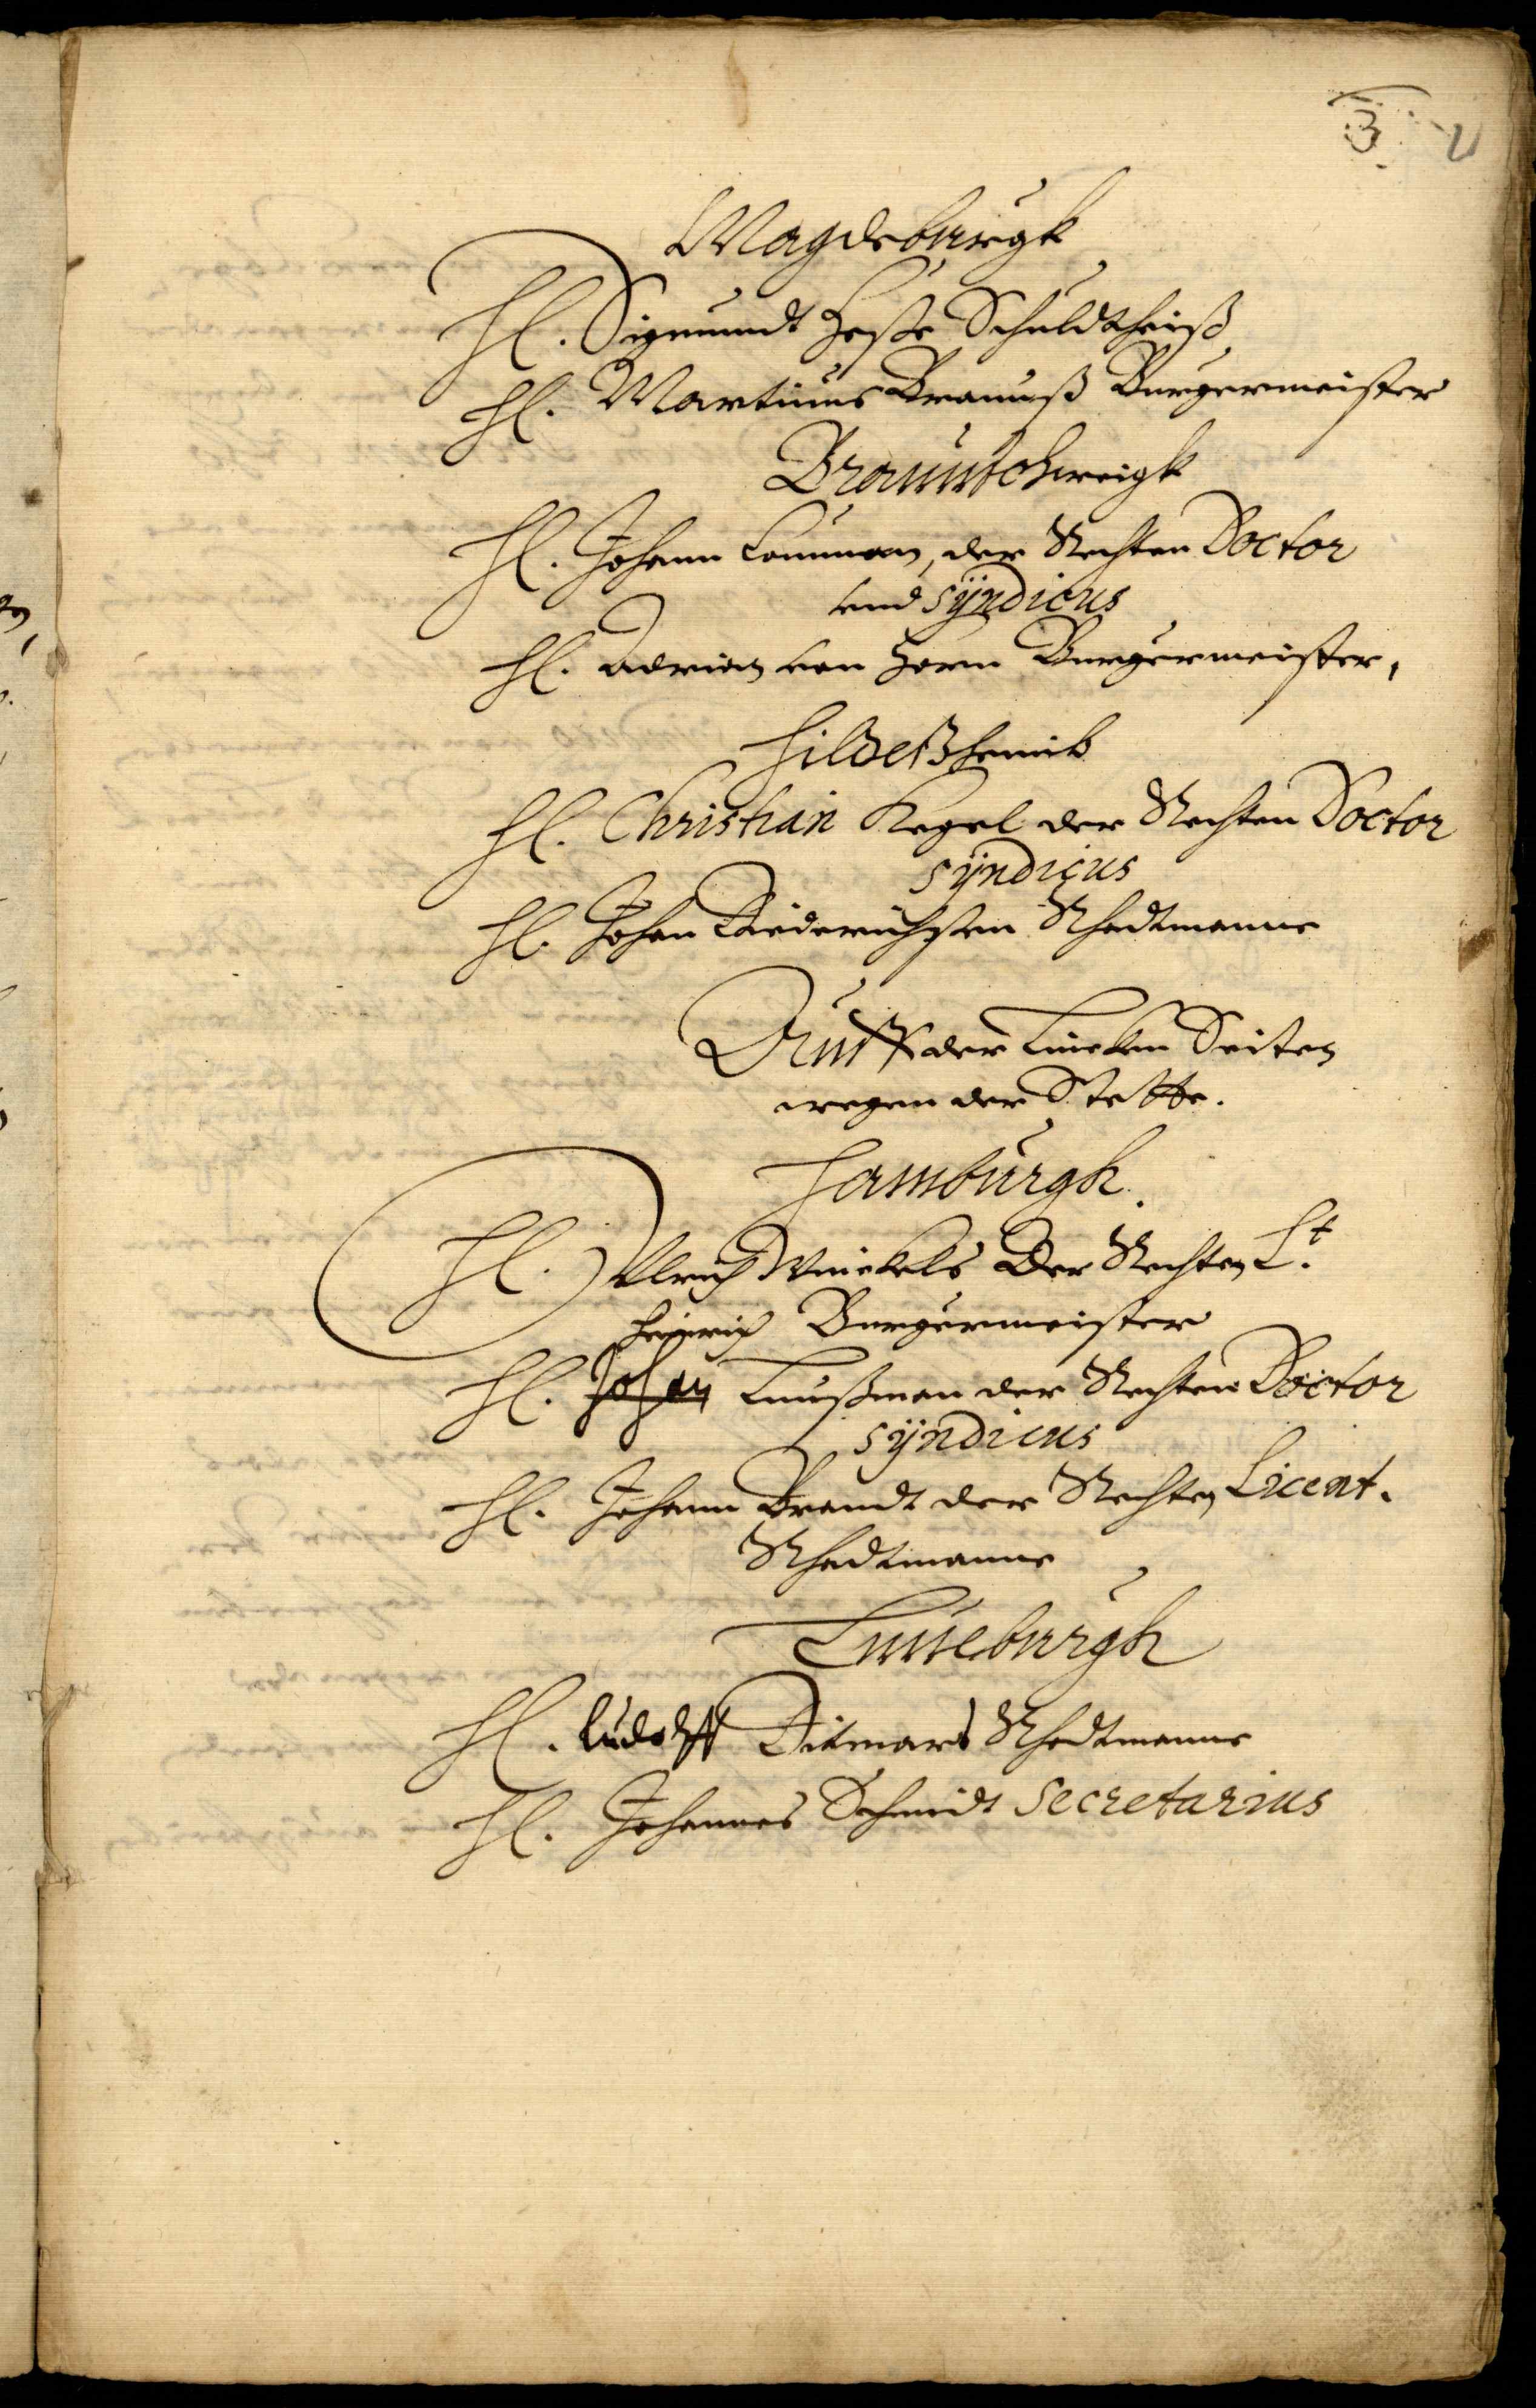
Magdeburgk
H. Sigmundt Heste Schuldtheiß
H. Martinus Braunß Burgermeister
Braunschweigk
H. Iohann Camman, der Rechten Doctor
vnd sijndicus
H. Adrian von Horn Burgermeister,
Hildeßheimb
H. Christian Kegel der Rechten Doctor
sijndicus
H. Iohan Diederichsen Rhadtmanne
Auff der Lincken Seiten
wegen der Stette.
Hamburgk.
H. Vlrich Winckels Der Rechten Lt.
heinrich Burgermeister
H. Iohan Lunßman der Rechten Doctor
sijndicus
H. Iohann Brandt der Rechten Licent.
Rhadtmanne
Luneburgk
H. Ludolff Ditmars Rhedtmanne
H. Iohannes Schmidt Secretarius
